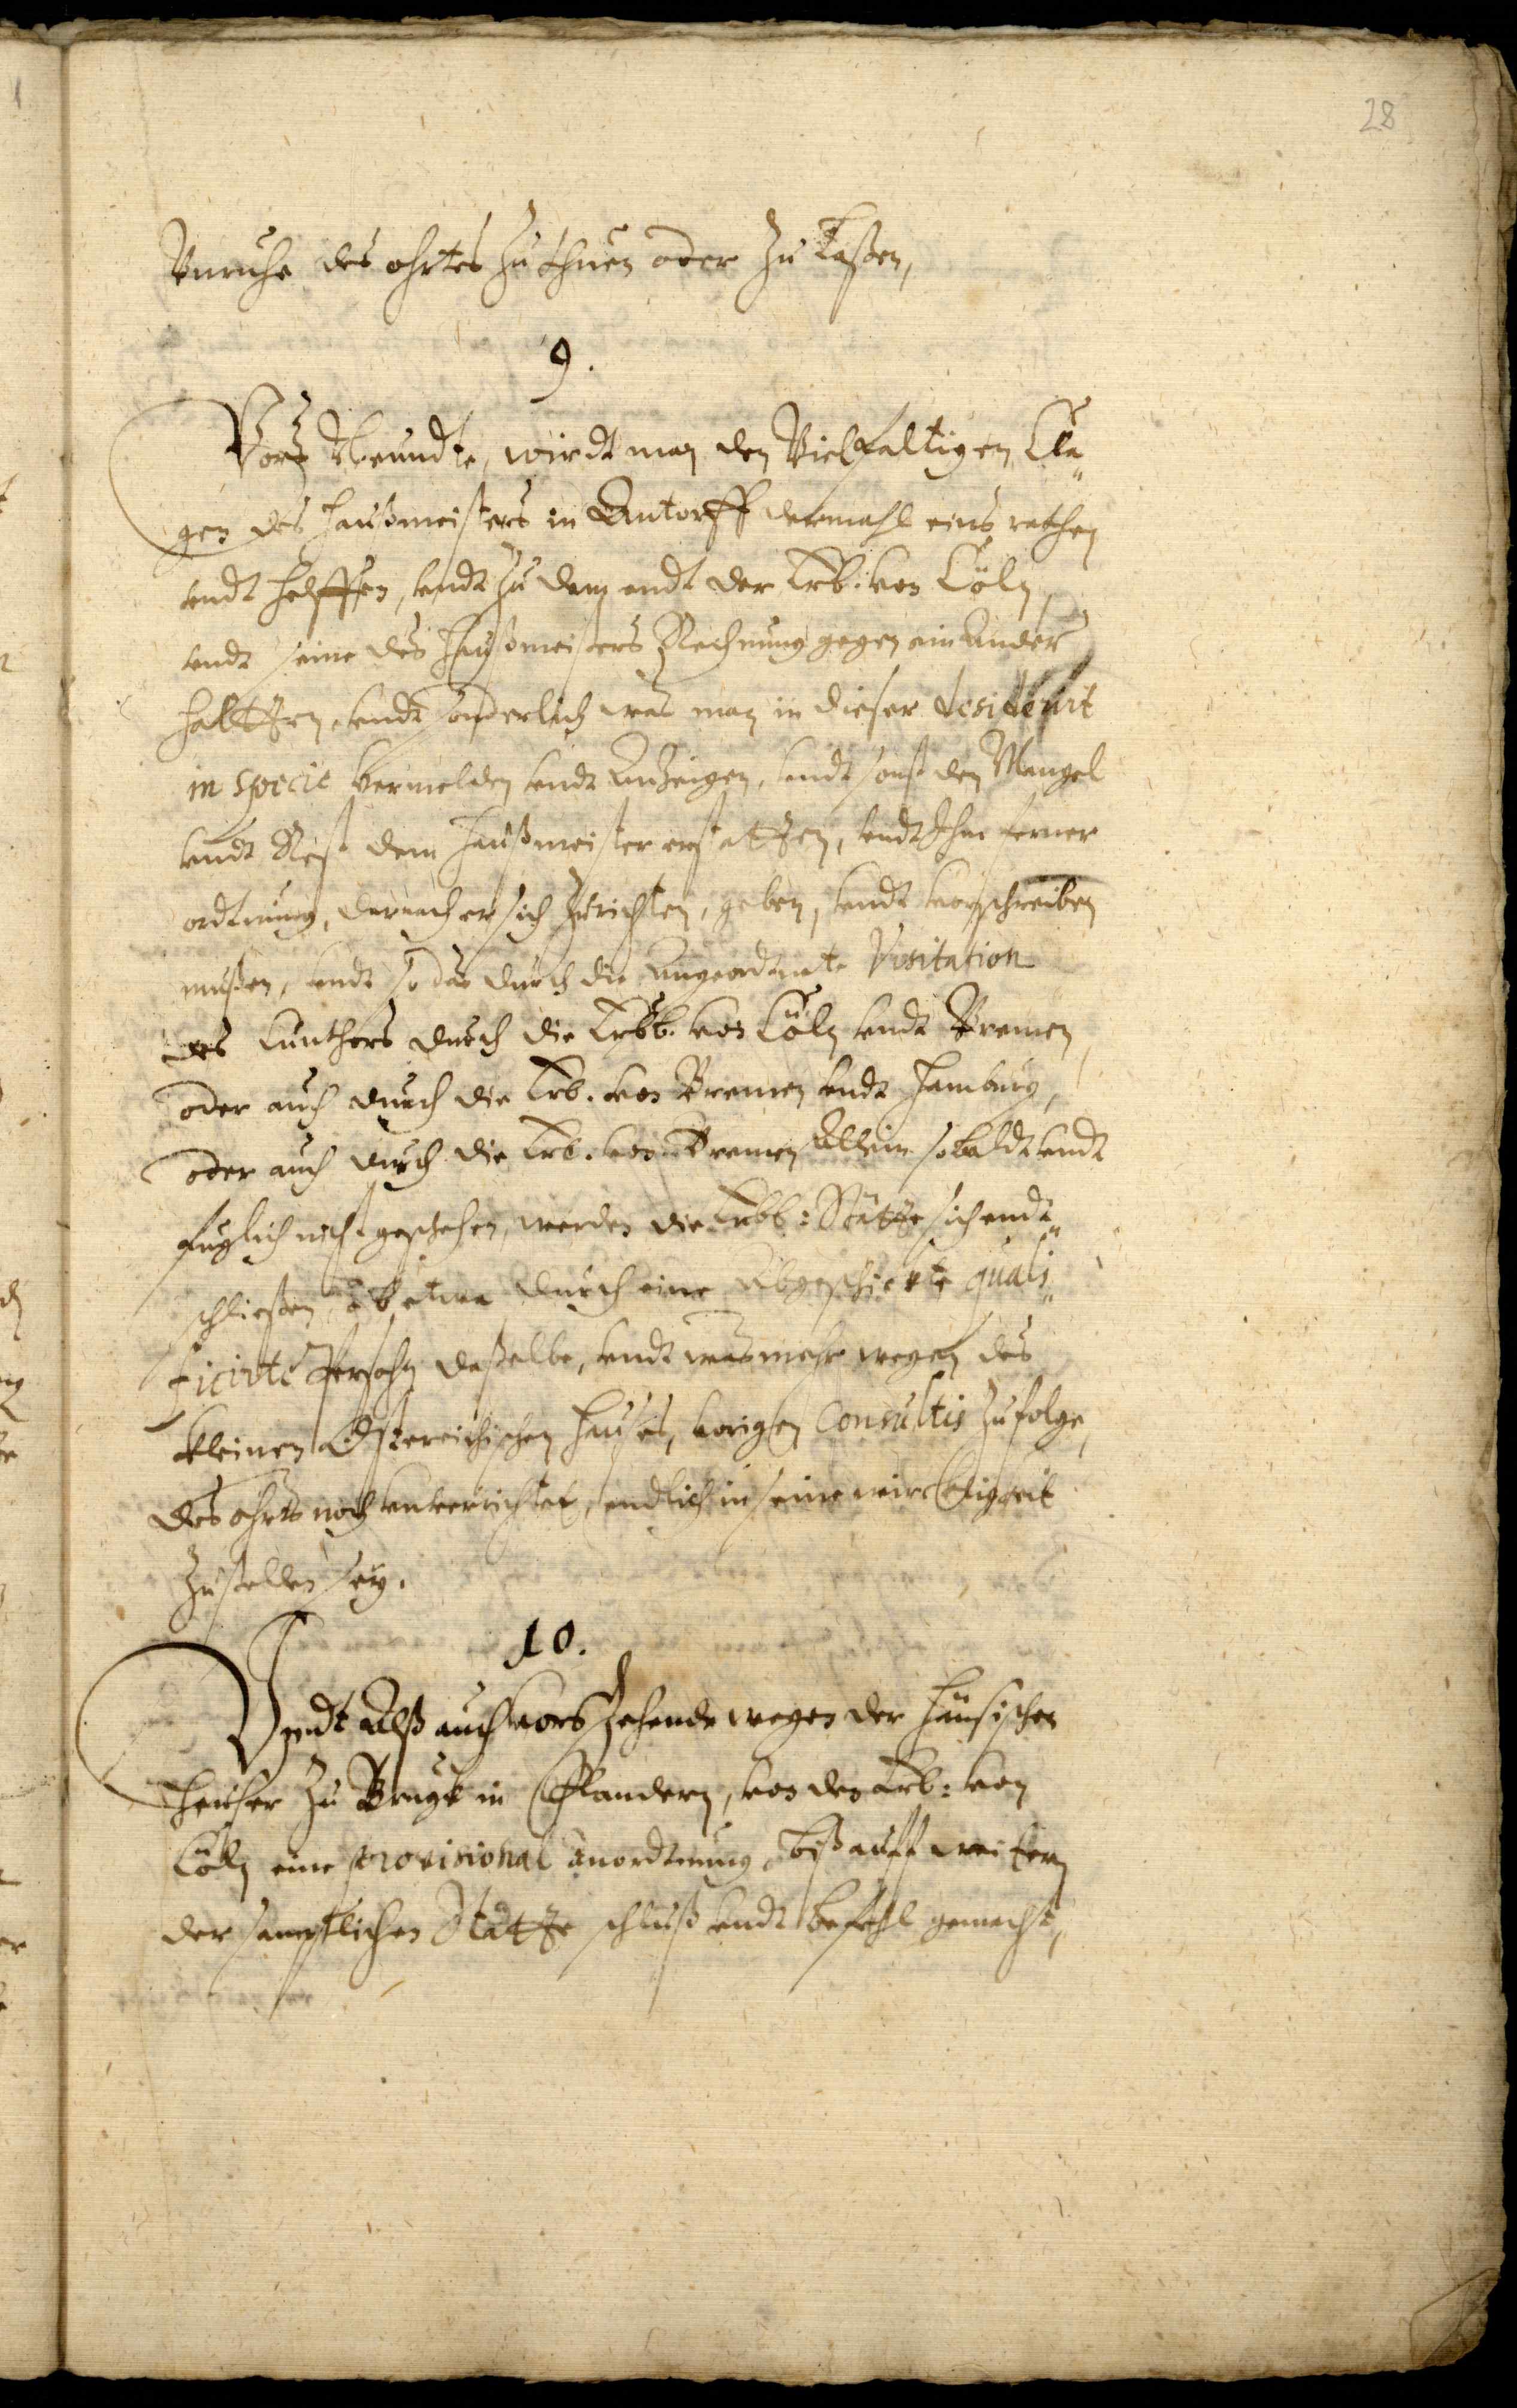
Vnruhe des ohrtes Zu thuen oder Zu Laßen,
9.
Vors Neundte, wirdt man den vielfaltigen Cla¬
gen des haußmeisters in Antorff dermahl eins rathen
vndt helffen, vndt zu dem endt der Erb. von Cöln,
vndt seine des haußmeisters Rechnung gegen ein ander
haltten, vndt sonderlich was man in dieser desiderirt
in specie vermelden vndt anzeigen, vndt sonst den Mangel
vndt Rest dem haußmeister erstatten, vndt Ihm ferner
ordtnung, darnach er sich zu richten, geben, vndt vorschreiben
mußen, vndt so das durch die angeordtnete Visitation
des Cunthors durch die Erbb. von Cöln vndt Bremen,
oder auch durch die Erb. von Bremen vndt Hamburg,
oder auch durch die Erb. von Bremen Allein sobaldt vndt
fuglich nicht geschehen, werden die Erbb: Stätte sich endt¬
schließen, ob etwa durch eine abgeschickte Quali¬
ficirte Persohn daßelbe, vndt was mehr wegen des
kleinen Ostereichischen Hauses, vorigen Consultis zufolge,
des ohrts noch vnverrichtet, endlich in seine wirckligkeit
zu stellen seij.
10.
Vndt Alß auch vors Zehende wegen der hänsischen
heuser zu Brugk in Flandern, von den Erb: von
Cöln eine provisional anordtnung, biß auff weitern
der samtlichen Stätte schluß vndt befehl gemacht,
